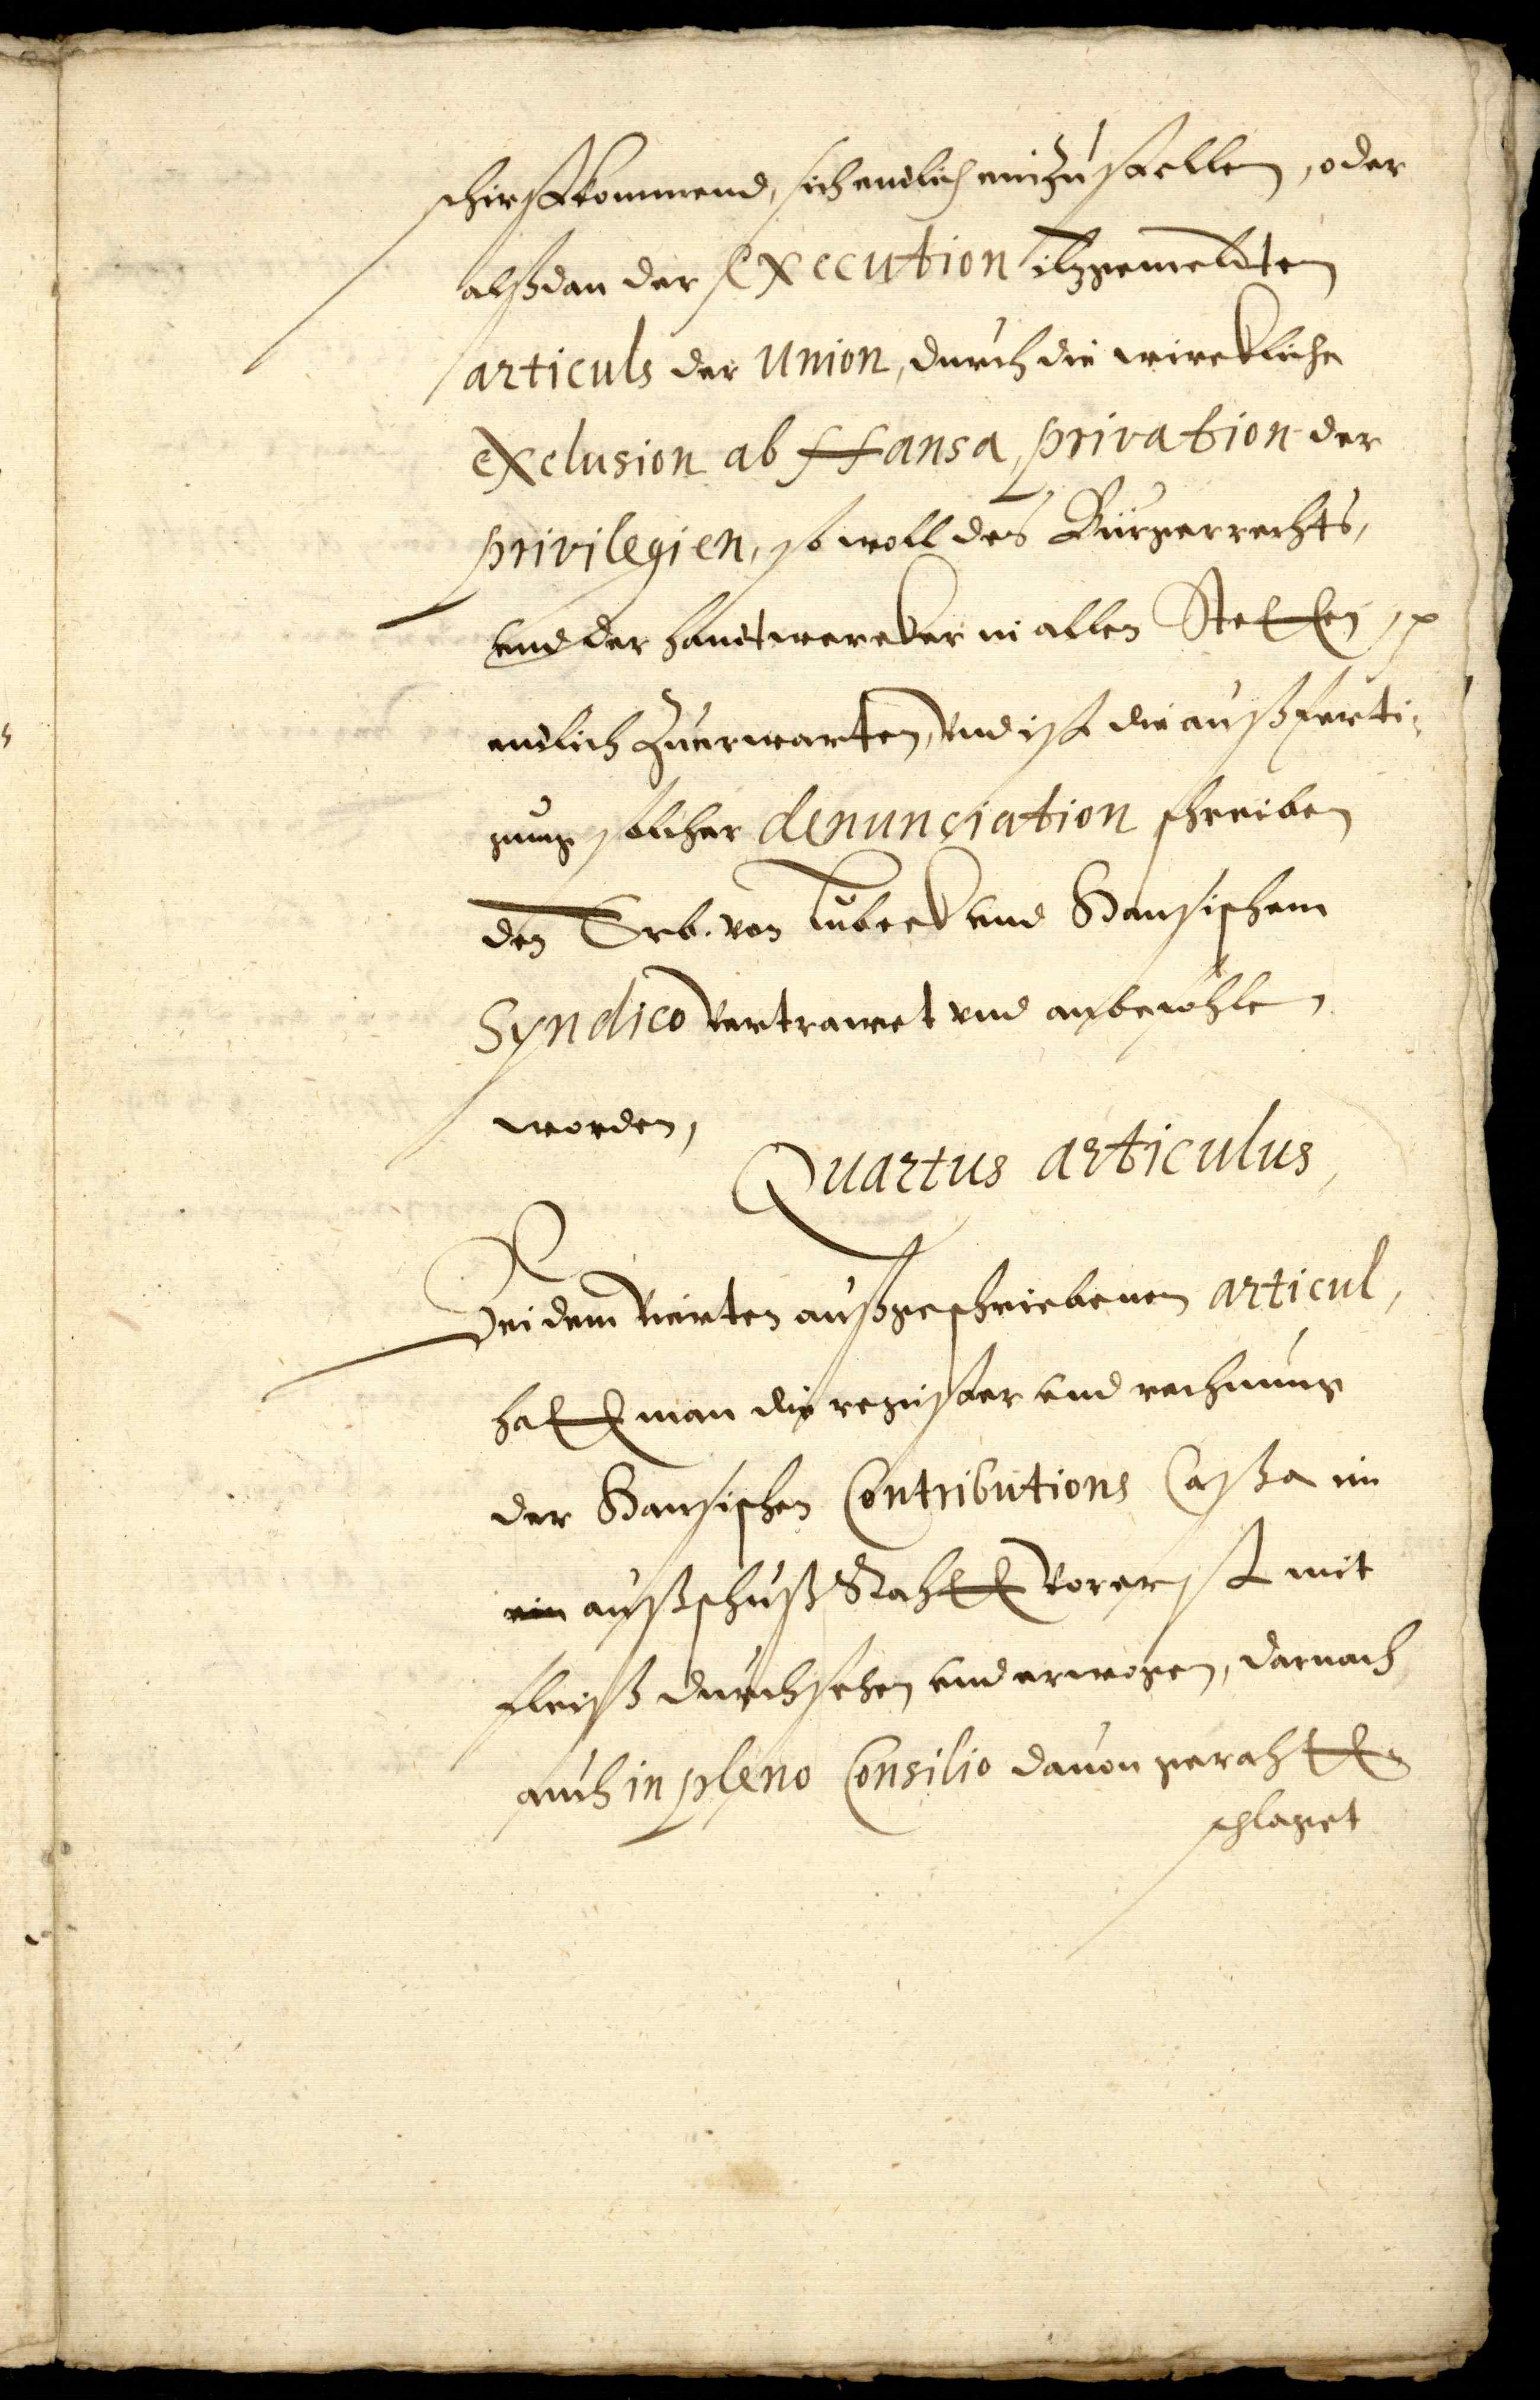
schirstkommend, sich endlich einZustellen, oder
alßdan der execution itzgemeldten
articuls der Union, durch die wirckliche
exclusion ab Hansa, privation der
privilegien, sowoll des Bürgerrechts,
vnd der handtwercker in allen Stetten p
endlich Zuerwarten, Vnd ist die außferti¬
gung solcher denunciation schreiben
den Erb. von Lübeck vnd Hansischem
Syndico Vertrawet vnd anbefohlen
worden,
Quartus articulus,
Bei dem Vierten außgeschriebenen articul,
hatt man die register vnd rechnung
der Hansischen Contributions Caßa im
ein außschußRahtt Vorerst mit
fleiß durchsehen vnd erwogen, darnach
auch in pleno Consilio dauon gerahtt¬
schlaget
